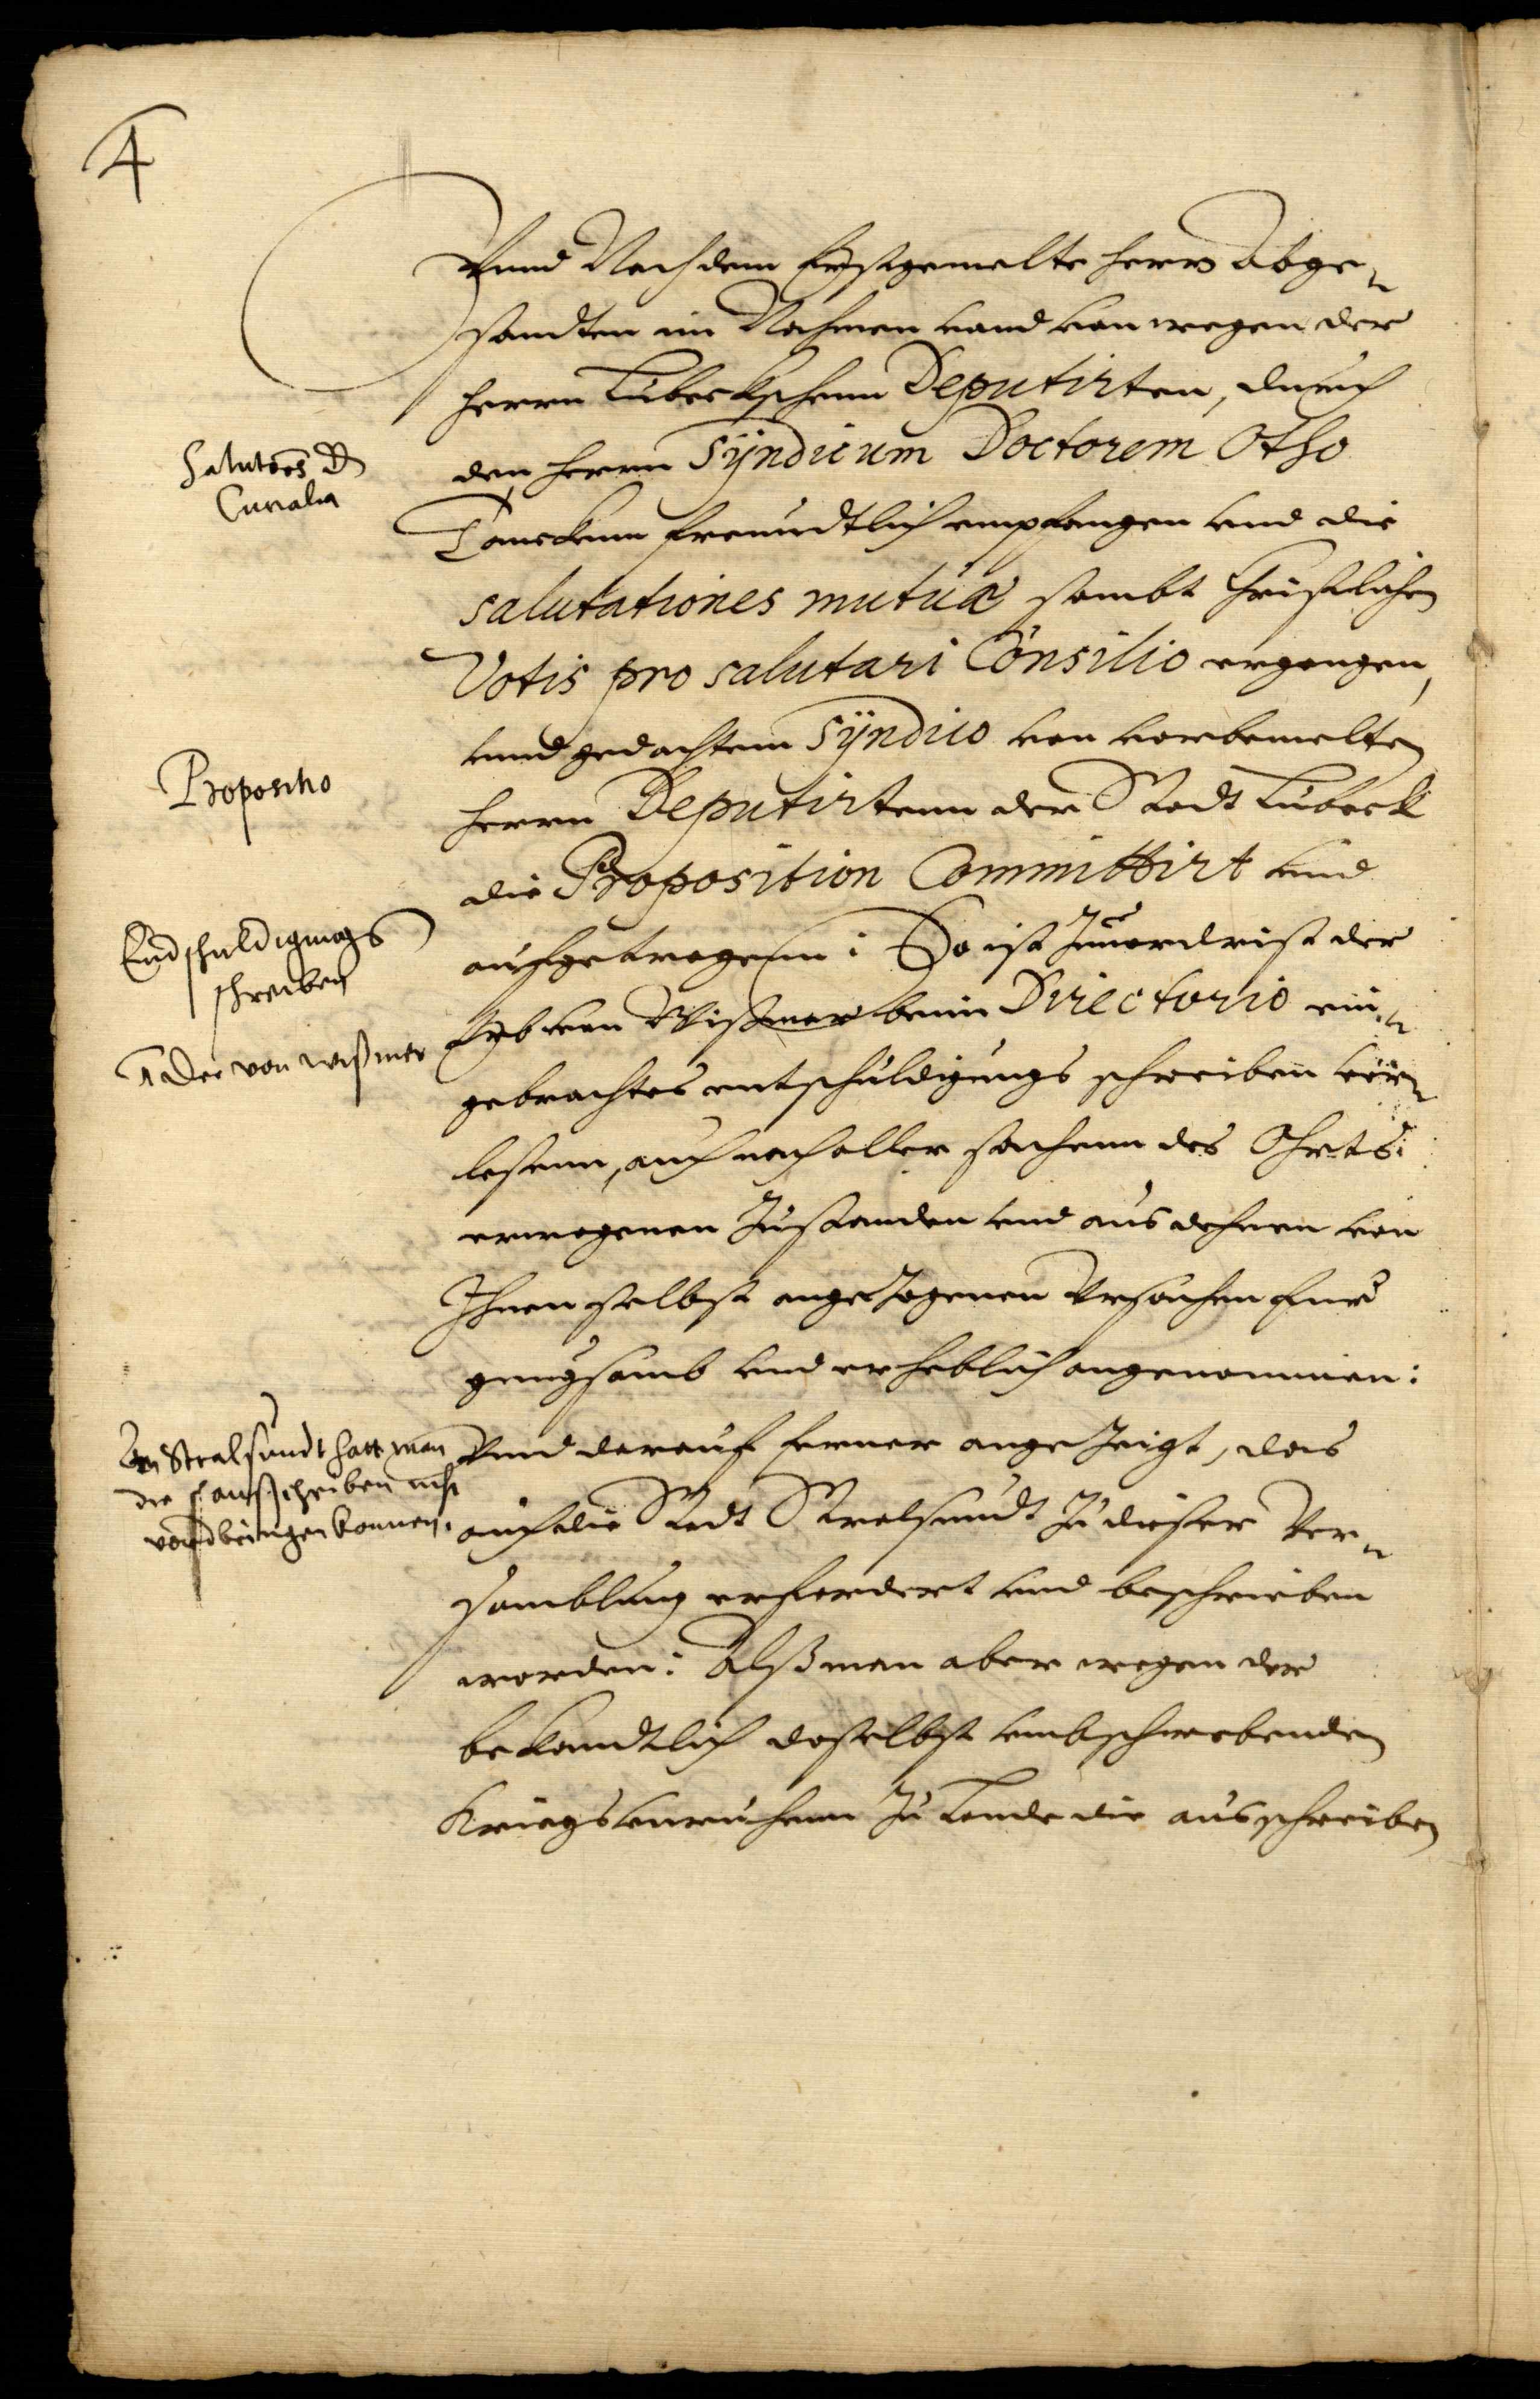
4
Satutors V
Cunaliq
Propositio
Endschuldigungs
schreiben
1 der von wißmar
2n Stralsundt hat man
die ausschriben niht
vordbringen konnen.
Vnnd Nachdem Erstgemelte herrn Abge¬
sandten im Nahmen vnd van wegen der
herrn Lubeckschenn Deputirten, durch
den herrn sijndicum Doctorem Otho
Tanckenn freundtlich empfangen vnd die
salutationes mutuae sambt Christlichen
Vortis pro salutari Consilio ergangen,
vnd gedachten sijndico von vorbemelten
herrn Deputirtenn der Stadt Lubeck
die Proposition Committirt vnd
aufgetragenn: So ist zuuordrist der
Erb von Wißmar beim Directorio ein¬
gebrachtes entschuldigungs schreiben vor¬
lesenn, auch nach aller sachenn des Ohrts
erwogenen zustanden vnd aus dehnen von
Ihnen selbst angezogenen Vrsachen fur
gnugsamb vnd erheblich angenommen:
Vnd darauf ferner angezeigt, das
auch die Stadt Stralsundt zu dieser Ver¬
samblung erfordert vnd beschrieben
worden: Alß man aber wegen der
bekandtlich daselbst vmbschwebenden
Kriegs vnruhenn zu Lande die ausschreiben
